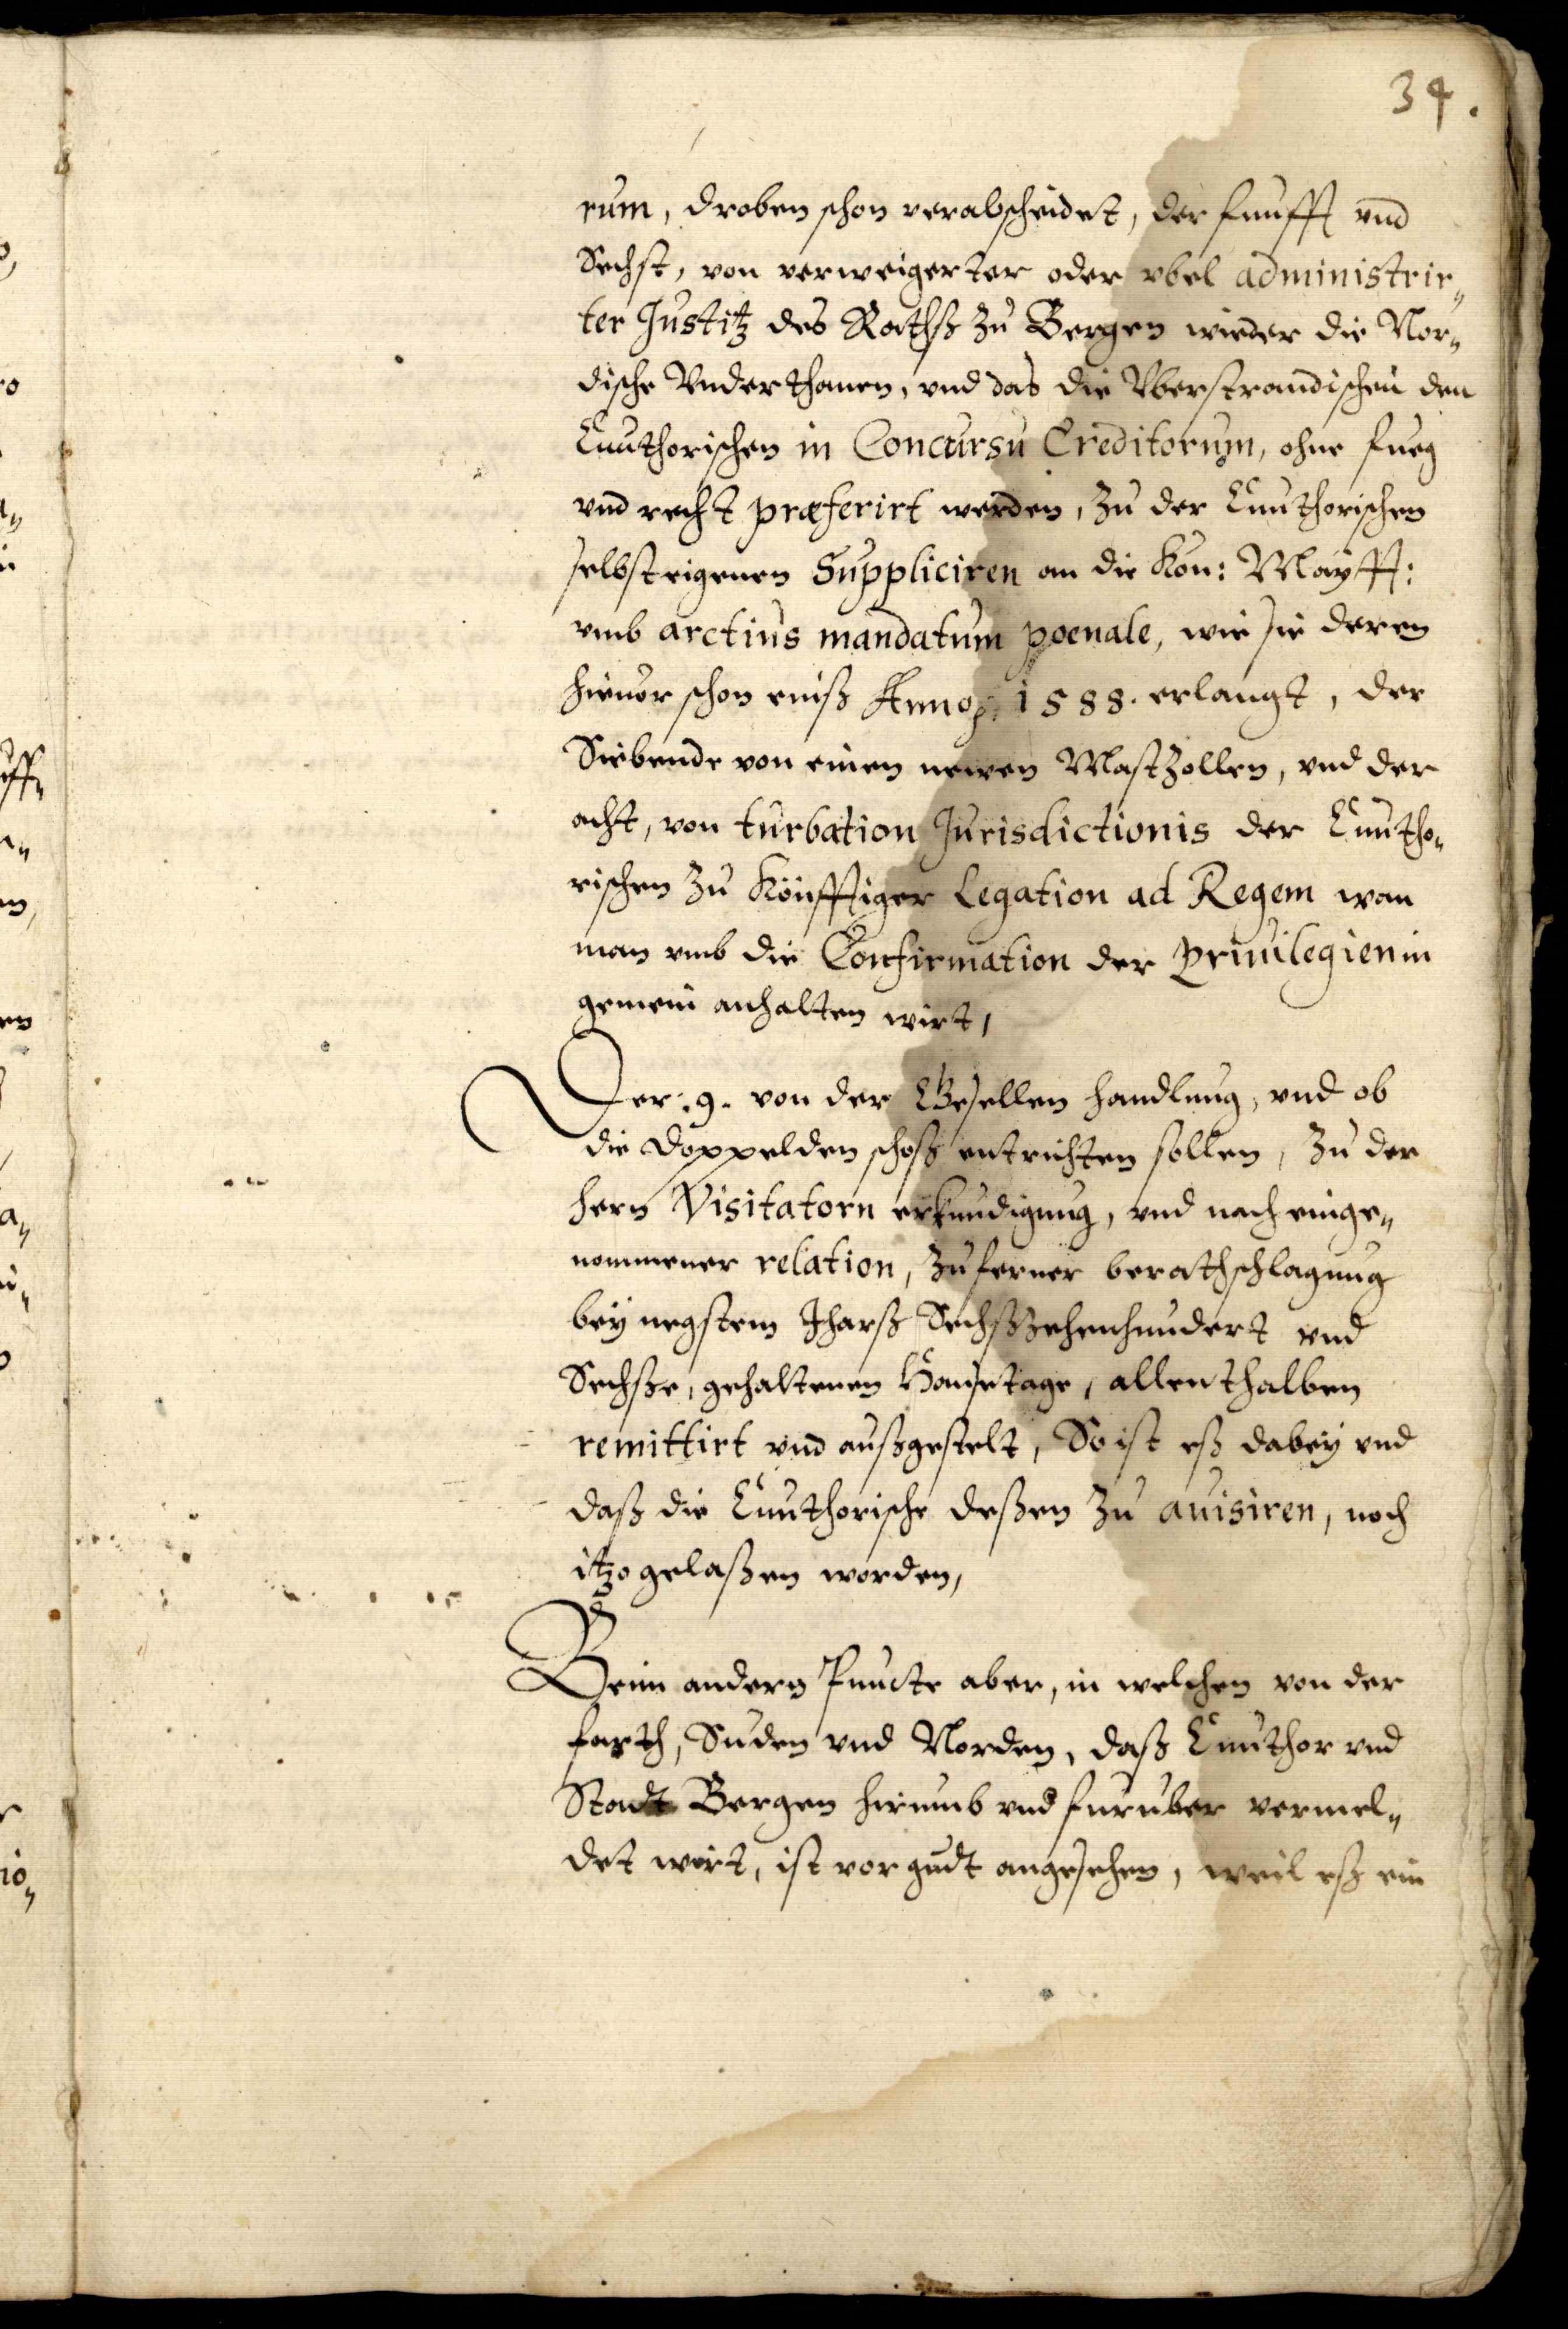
34.
rum, droben schon verabschiedet, der funfft vnd
sechst, von verweigerter oder vbel administrir¬
ter Justitz des Rathß zu Bergen wieder die Nor¬
dische Vnderthanen, vnd das die Vberstrandischen den
Cunthorischen in Concursu Creditorum, ohne fueg
vnd recht praeferirt werden, zu der Cunthorischen
selbsteigenen Suppliciren an die Kon: Maijtt:
vmb arctius mandatum poenale, wie zu deren
hieuor schon einß Anno p. 1588 erlangt, der
Siebende von einen newen Mastzollen, vnd der
acht, von turbation Jurisdictionis der Cuntho¬
rischen zu könfftiger Legation ad Regem wan
man vmb die Confirmation der priuilegien in
gemein anhalten wirt,
Der 9. von der Gesellen handlung, vnd ob
die doppelden schoß entrichten sollen, zu der
hern Visitatorn erkundigung, vnd nach einge¬
nommener relation, zu ferner berathschlagung
beij negstem Jharß Sechßzehenhundert vnd
Sechße, gehaltenen Hansetage, allenthalben
remittirt vnd außgestelt, So ist eß dabeij vnd
daß die Cunthorische deßen zu auisiren, noch
itzo gelaßen worden,
Beim andern Puncte aber, in welchen von der
farth, Suden vnd Norden, daß Cunthor vnd
Stadt Bergen hirumb vnd furuber vermel¬
det wirt, ist vor gudt angesehen, weil eß ein
